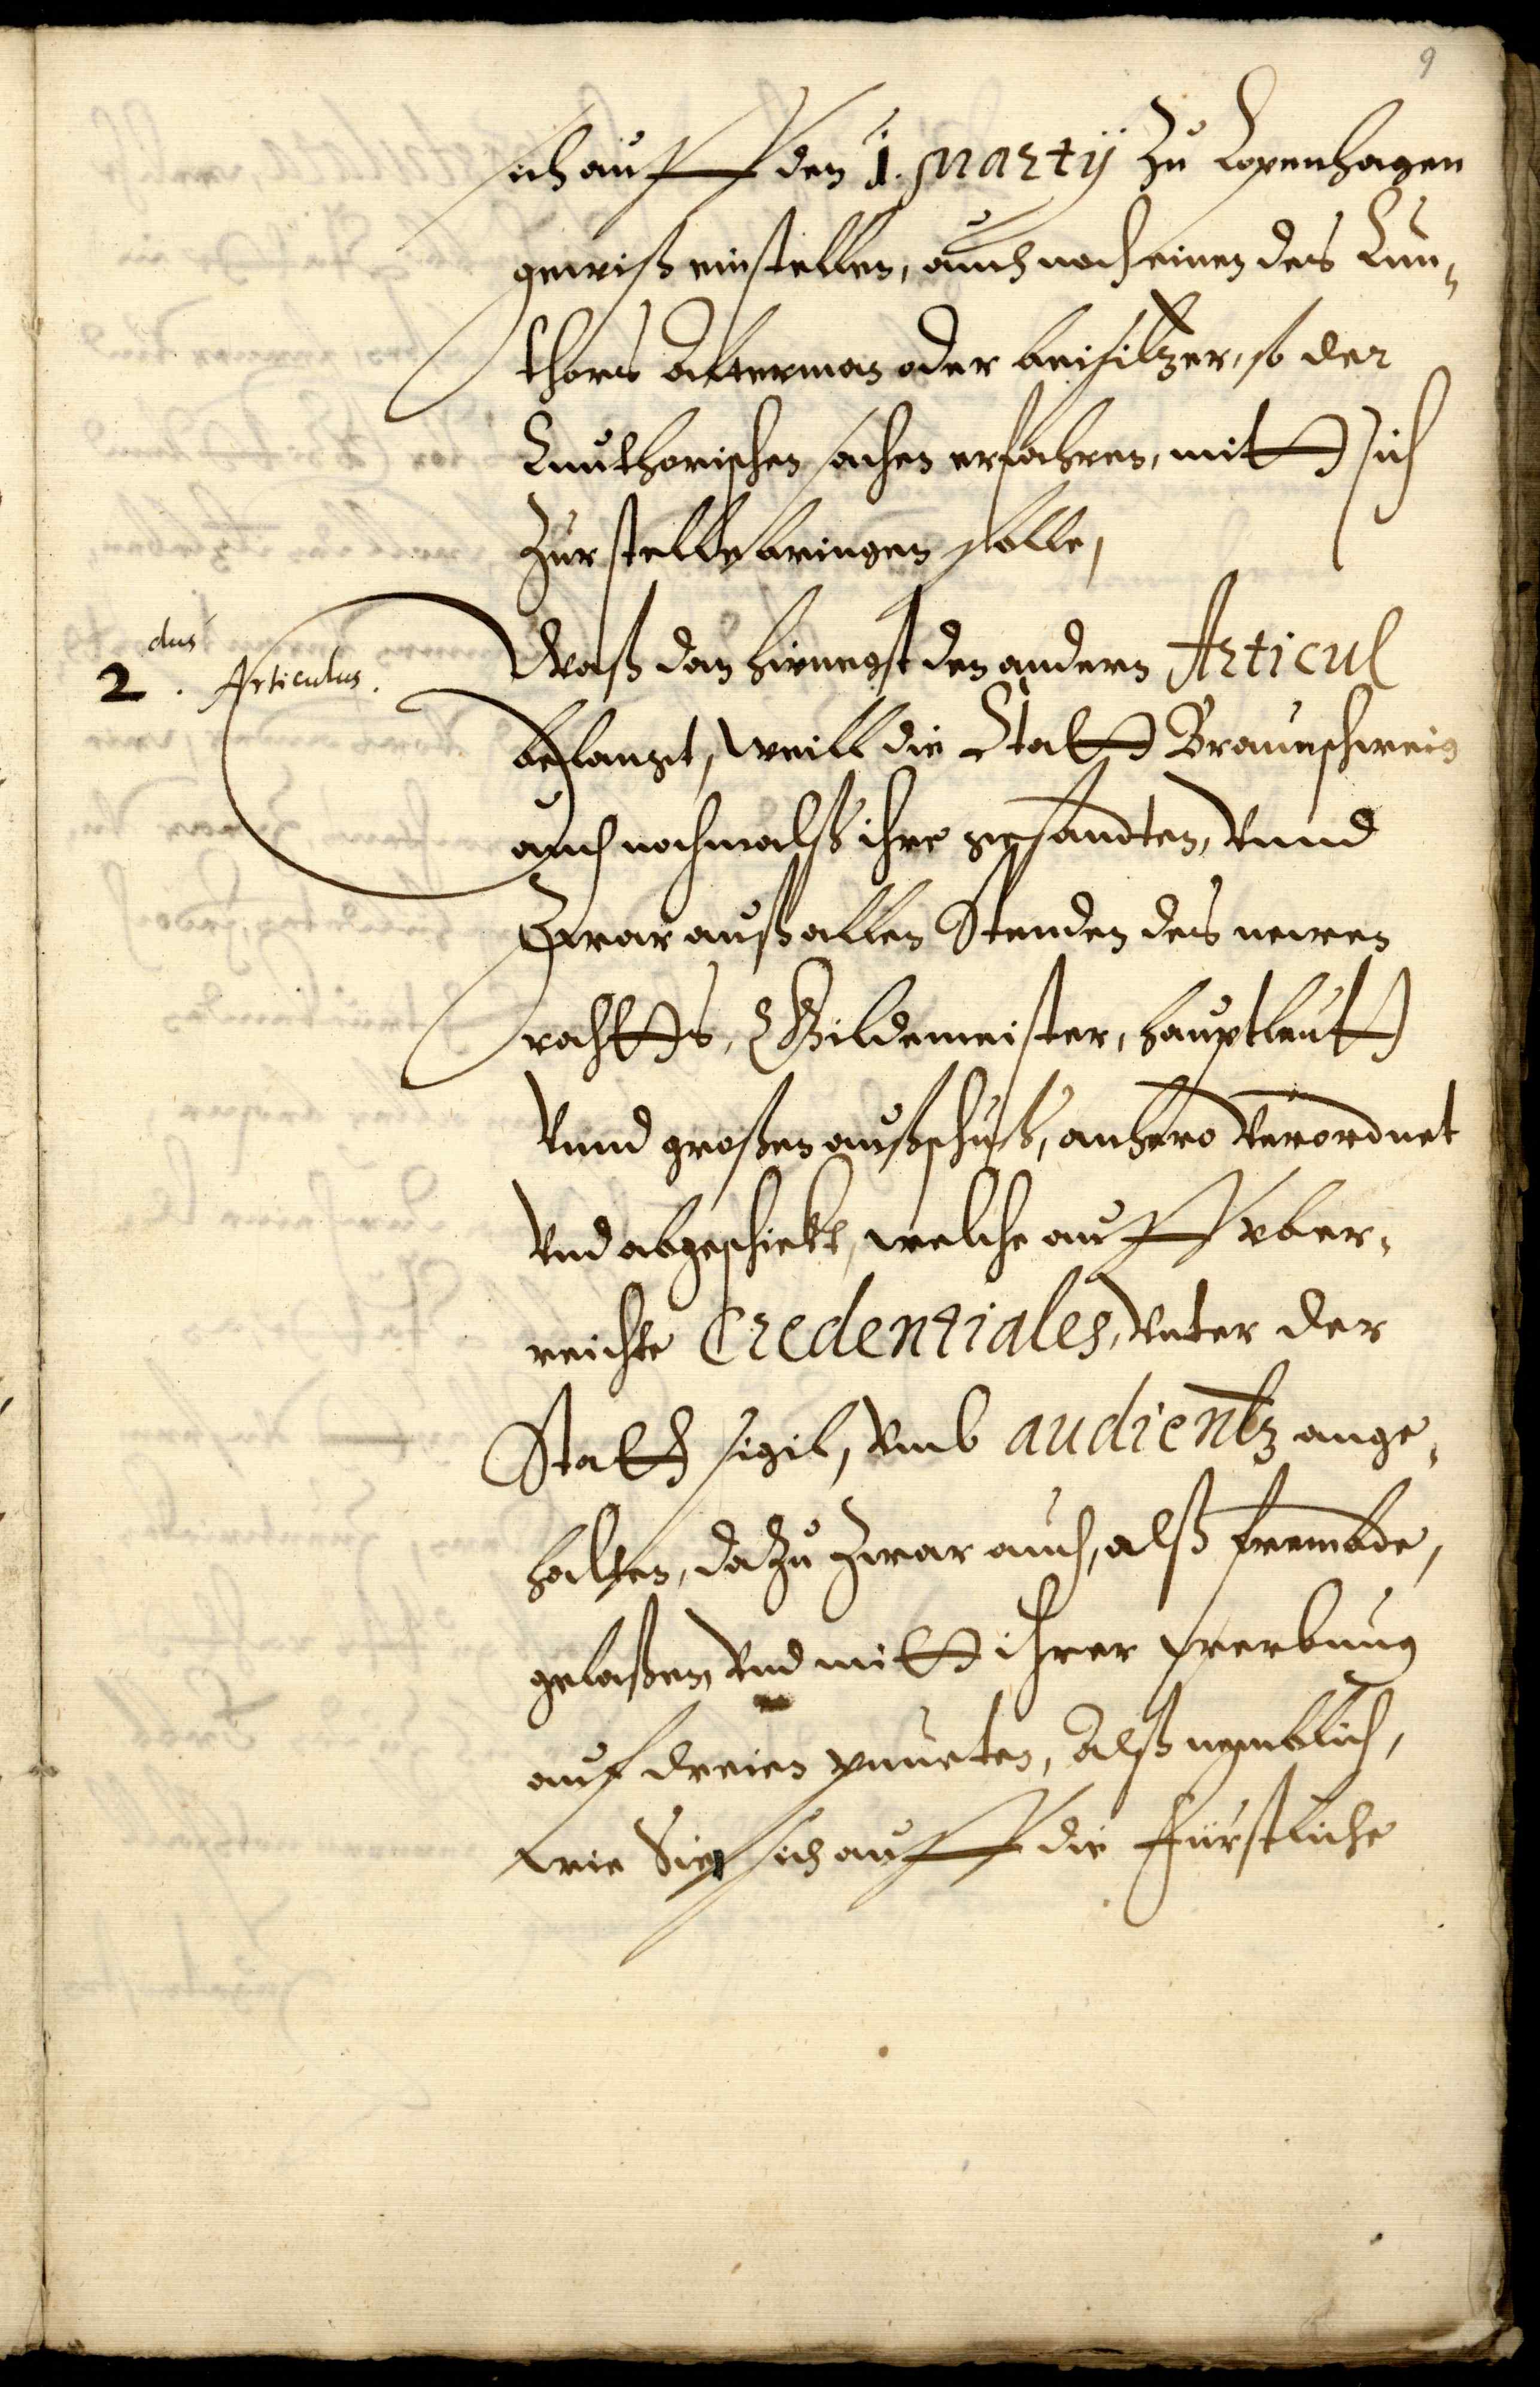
2dus Articulus
sich auff den 1. martij zu Copenhagen
gewiß einstellen, auch noch einen des Cun¬
thors Alterman oder beisitzer, so der
Cunthorischen sachen erfahren, mitt sich
zur stelle bringen solle,
Waß dan hirnegst den andern Articul
belangt, weill die Statt Braunschweig
auch nochmalß ihre gesandten, Vnnd
zwar auß allen Stenden deß newen
rahtts, Gildemeister, hauptleutt
Vnnd großen außschuß, anhero Verordnet
Vnd abgeschickt, welche auff vber¬
reichte Credentiales, Vnter der
Statt sigil, Vmb audientz ange¬
halten, dazu zwar auch, alß frembde,
gelaßen Vnd mitt ihrer werbung
auf dreien puncten, Alß nemblich,
wie Sie sich auff die fürstliche
